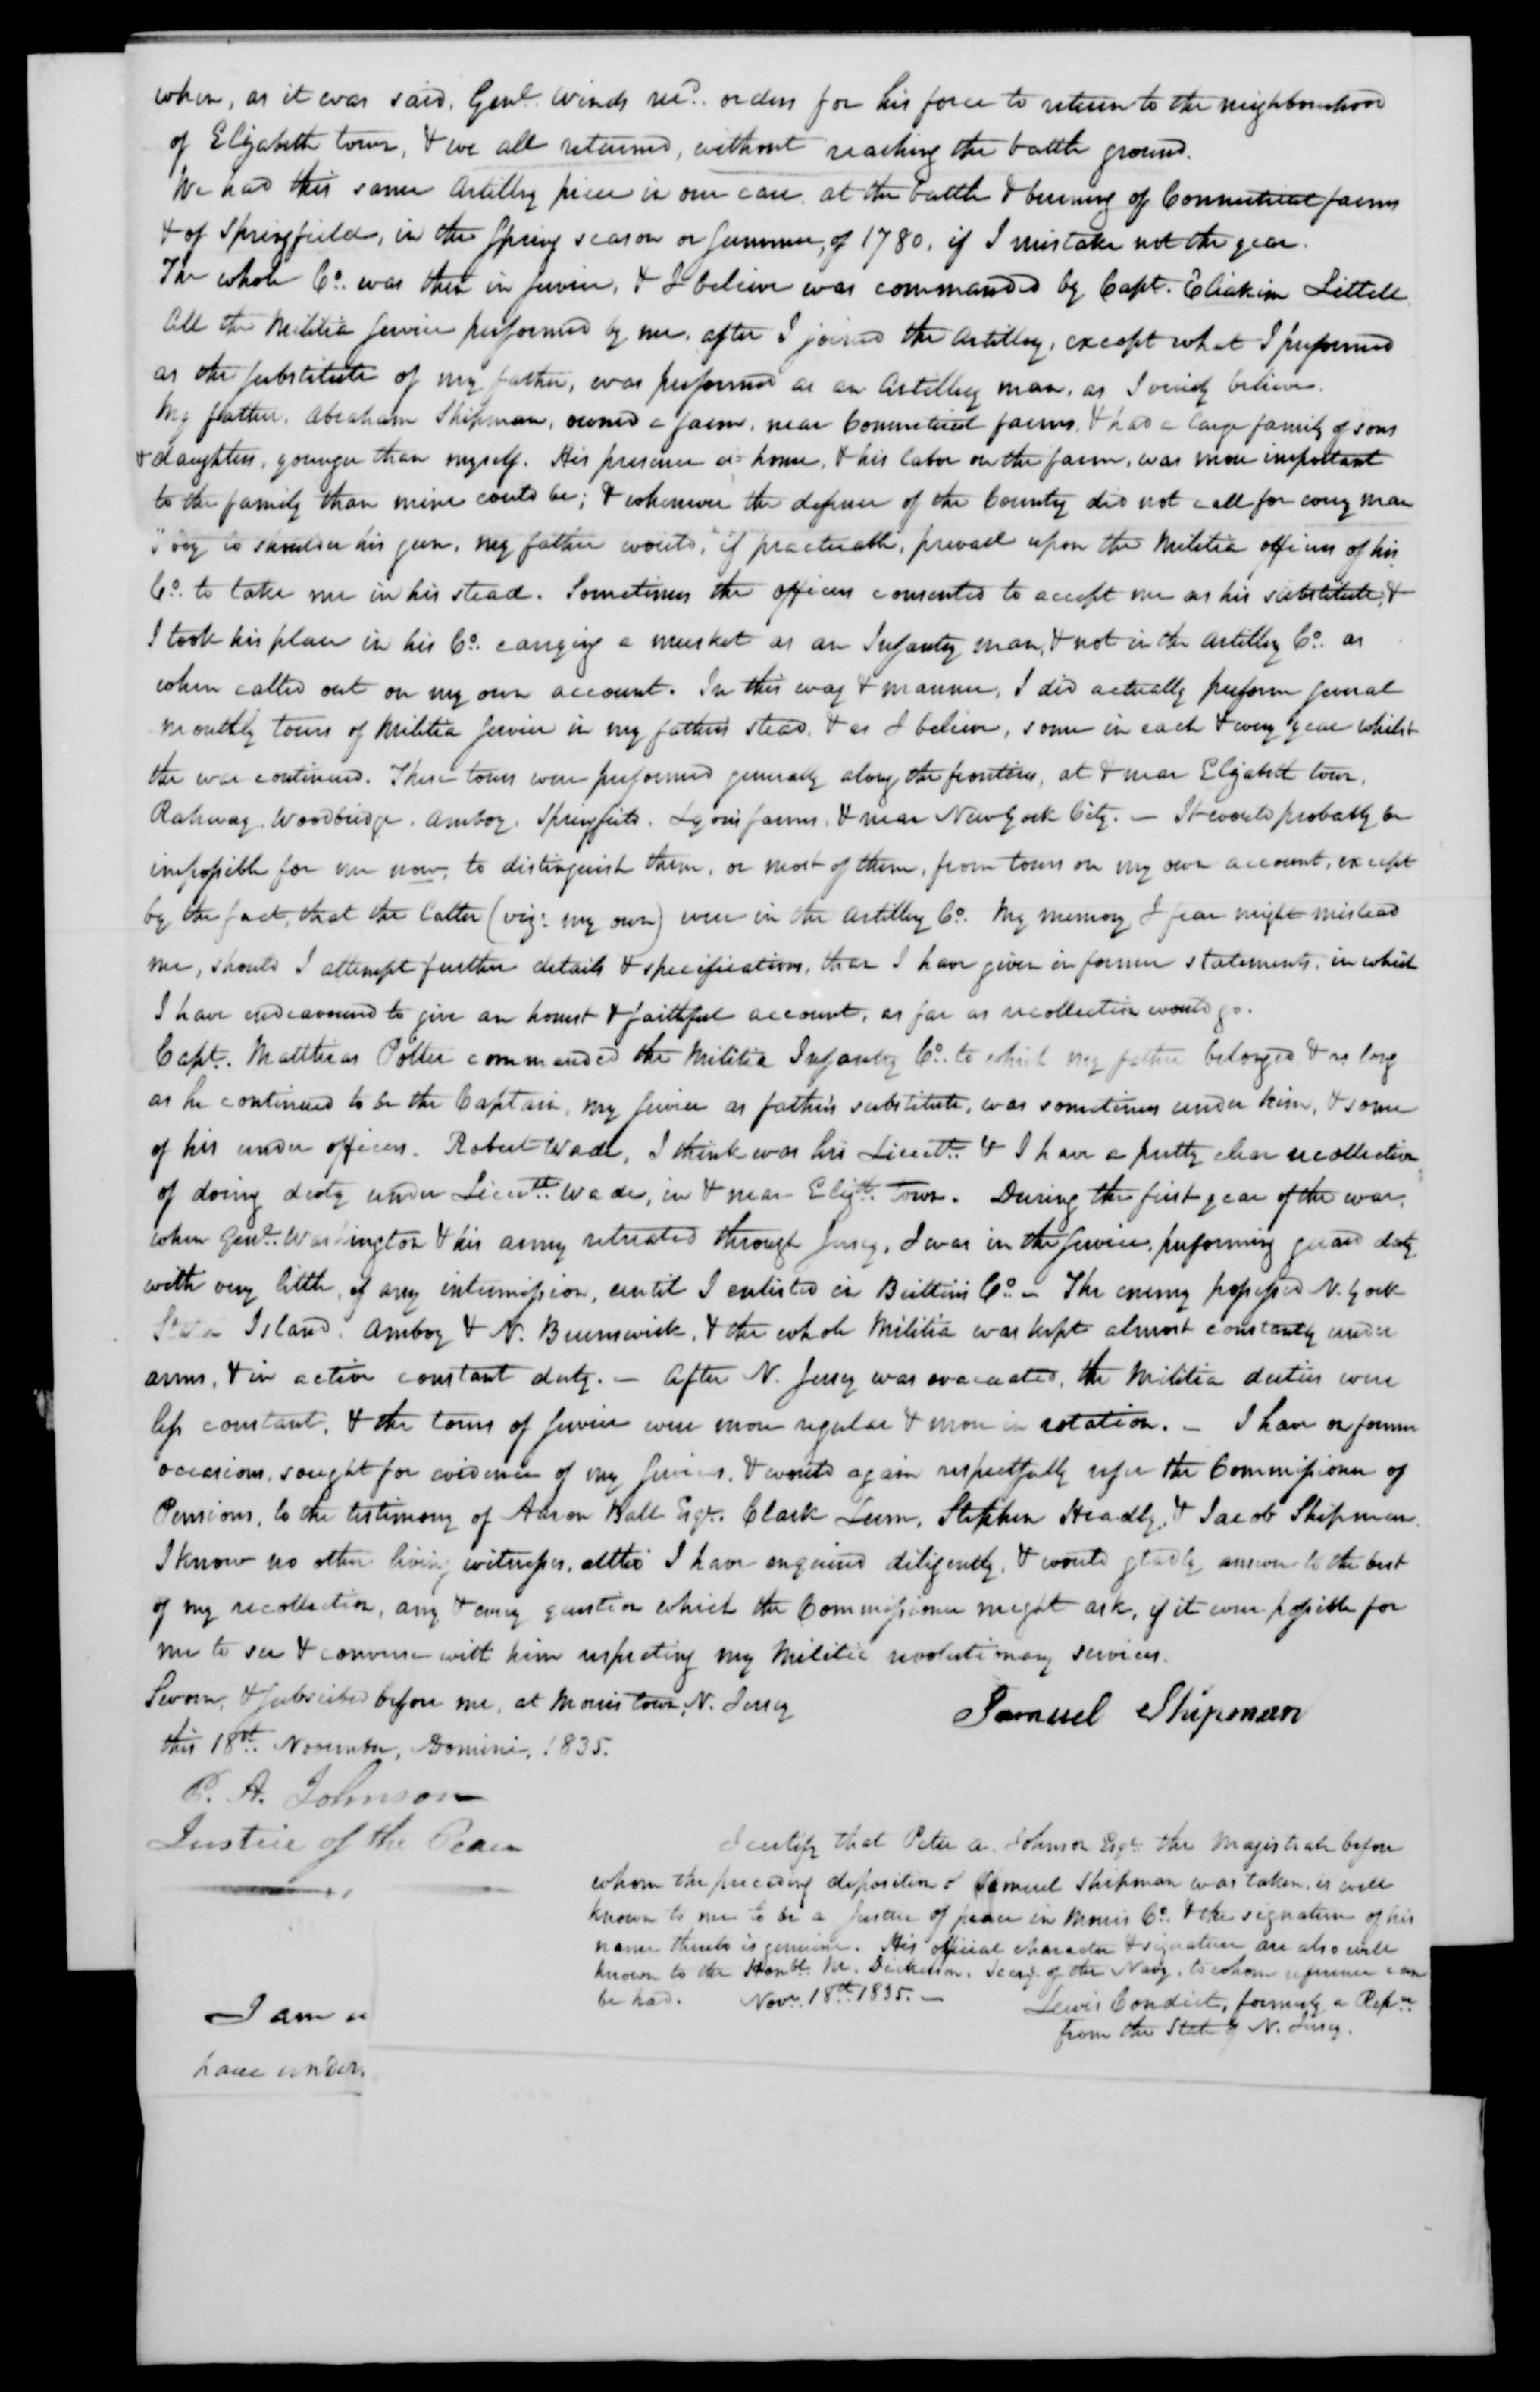when, as it was said, Genl Winds recd. orders for his force to return to the neighborhood
of Elizabeth town, & we all returned, without reaching the battle ground.  We had this same Artillery piece in our case at the battle & burning of Connecticut farms & of Springfield, in the spring season or Summer of 1780, if I mistake not the year.  The whole Co. was then in service, & I believe was commanded by Capt. Eliakim Littell.  All the militia service performed by me, after I joined the Artillery, except what I performed as the substitute of my father, was performed as an Artillery man, as I verily believe.  My father, Abraham Shipman, owned a farm, near Connecticut farms, & had a large family of sons & daughters, younger than myself. His presence at home, & his labor on the farm, was more important to the family than mine could be; & wherever the defence of the Country did not call for every man & boy to shoulder his gun, my father would, if practicable, prevail upon the Militia officers of his Co. to take me in his stead. Sometimes the officers consented to accept me as his substitute & I took his place in his Co. carrying a musket as an Infantry man, & not in the Artillery Co .as when called out on my own account. In this way & manner, I did actually perform several monthly tours of Militia service in my fathers stead & as I believe, some in each & every year whilst the war continued. These tours were performed generally along the frontiers, at & near Elizabeth town, Rahway, Woodbridge, Amboy, Springfield, Lyon's farms, & near New York City. It would probably be
impossible for me now, to distinguish them, or most of them, from tours on my own account, except by the fact, that the latter (viz: my own) were in the Artillery Co.  My memory I fear might mislead me, should I attempt further details & specifications, than I have given in former statements, in which I have endeavoured to give an honest & faithful account, as far as recollection would go.

Capt Matthias Potter commanded the Militia Infantry Co to which my father belonged & as long as he continued to be the Captain, my service as fathers substitute, was sometimes under him, & some of his under officers. Robert Wade, I think was his Lieutt. & I have a pretty clear recollection of doing duty under Lieut. Wade, in & man Eliz Town. During the first year of the war, when Genl Washington & his army retreated through Jersey, I was in the service performing guard duty with very little, if any intermission, until I enlisted in Brittin's [Britton's] Co. -- The enemy possessed N. York,
Staten Island, Amboy & N. Brunswick, & the whole militia was kept almost constantly under
arms & in active constant duty. After N. Jersey was evacuated, the Militia duties were less constant, & the tours of service were more regular & more in rotation. I have on former 
occasions sought for evidence of my services, & would again respectfully refer the Commissioner of Pensions, to the testimony of Aaron Hall Esqr., Clark Lum, Stephen Headly & Jacob Shipman.  I know no other living witness, altho' I have enquired diligently, & would gladly answer to the best of my recollection, any & every question which the Commissioner might ask, if it were possible for me to see & converse with him respecting my militia revolutionary services.
Samuel Shipman

Sworn & subscribed before me, at Morristown, N. Jersey this 18th November, Domini, 1835.
P. A. Johnson
Justice of the Peace

I certify that Peter A. Johnson Esqr .the Magistrate before whom the preceding deposition of Samuel Shipman was taken, is well known to me to be a Justice of peace in Morris Co. & the signature of his name thereto is genuine. His official character & signature are also well known to the Honble. M. Dickinson, Secry. of the Navy, to whom reference can be had.       Novr 18th 1835.
Lewis Condict, formerly a Repr.
from the State of N. Jersey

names: [BLANK] Winds; Samuel Shipman; Lewis Condict; Clark Lum; Robert Wade; Aaron Ball; Matthias Potter; Abraham Shipman; P A Johnson; Peter A Johnson; Stephen Headly; Eliakim Littell; [BLANK] Washington; [BLANK] Wade; Jacob Shipman; Samuel Shipman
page: 33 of 44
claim: survivor's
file: S. 912, for Samuel Shipman, New Jersey